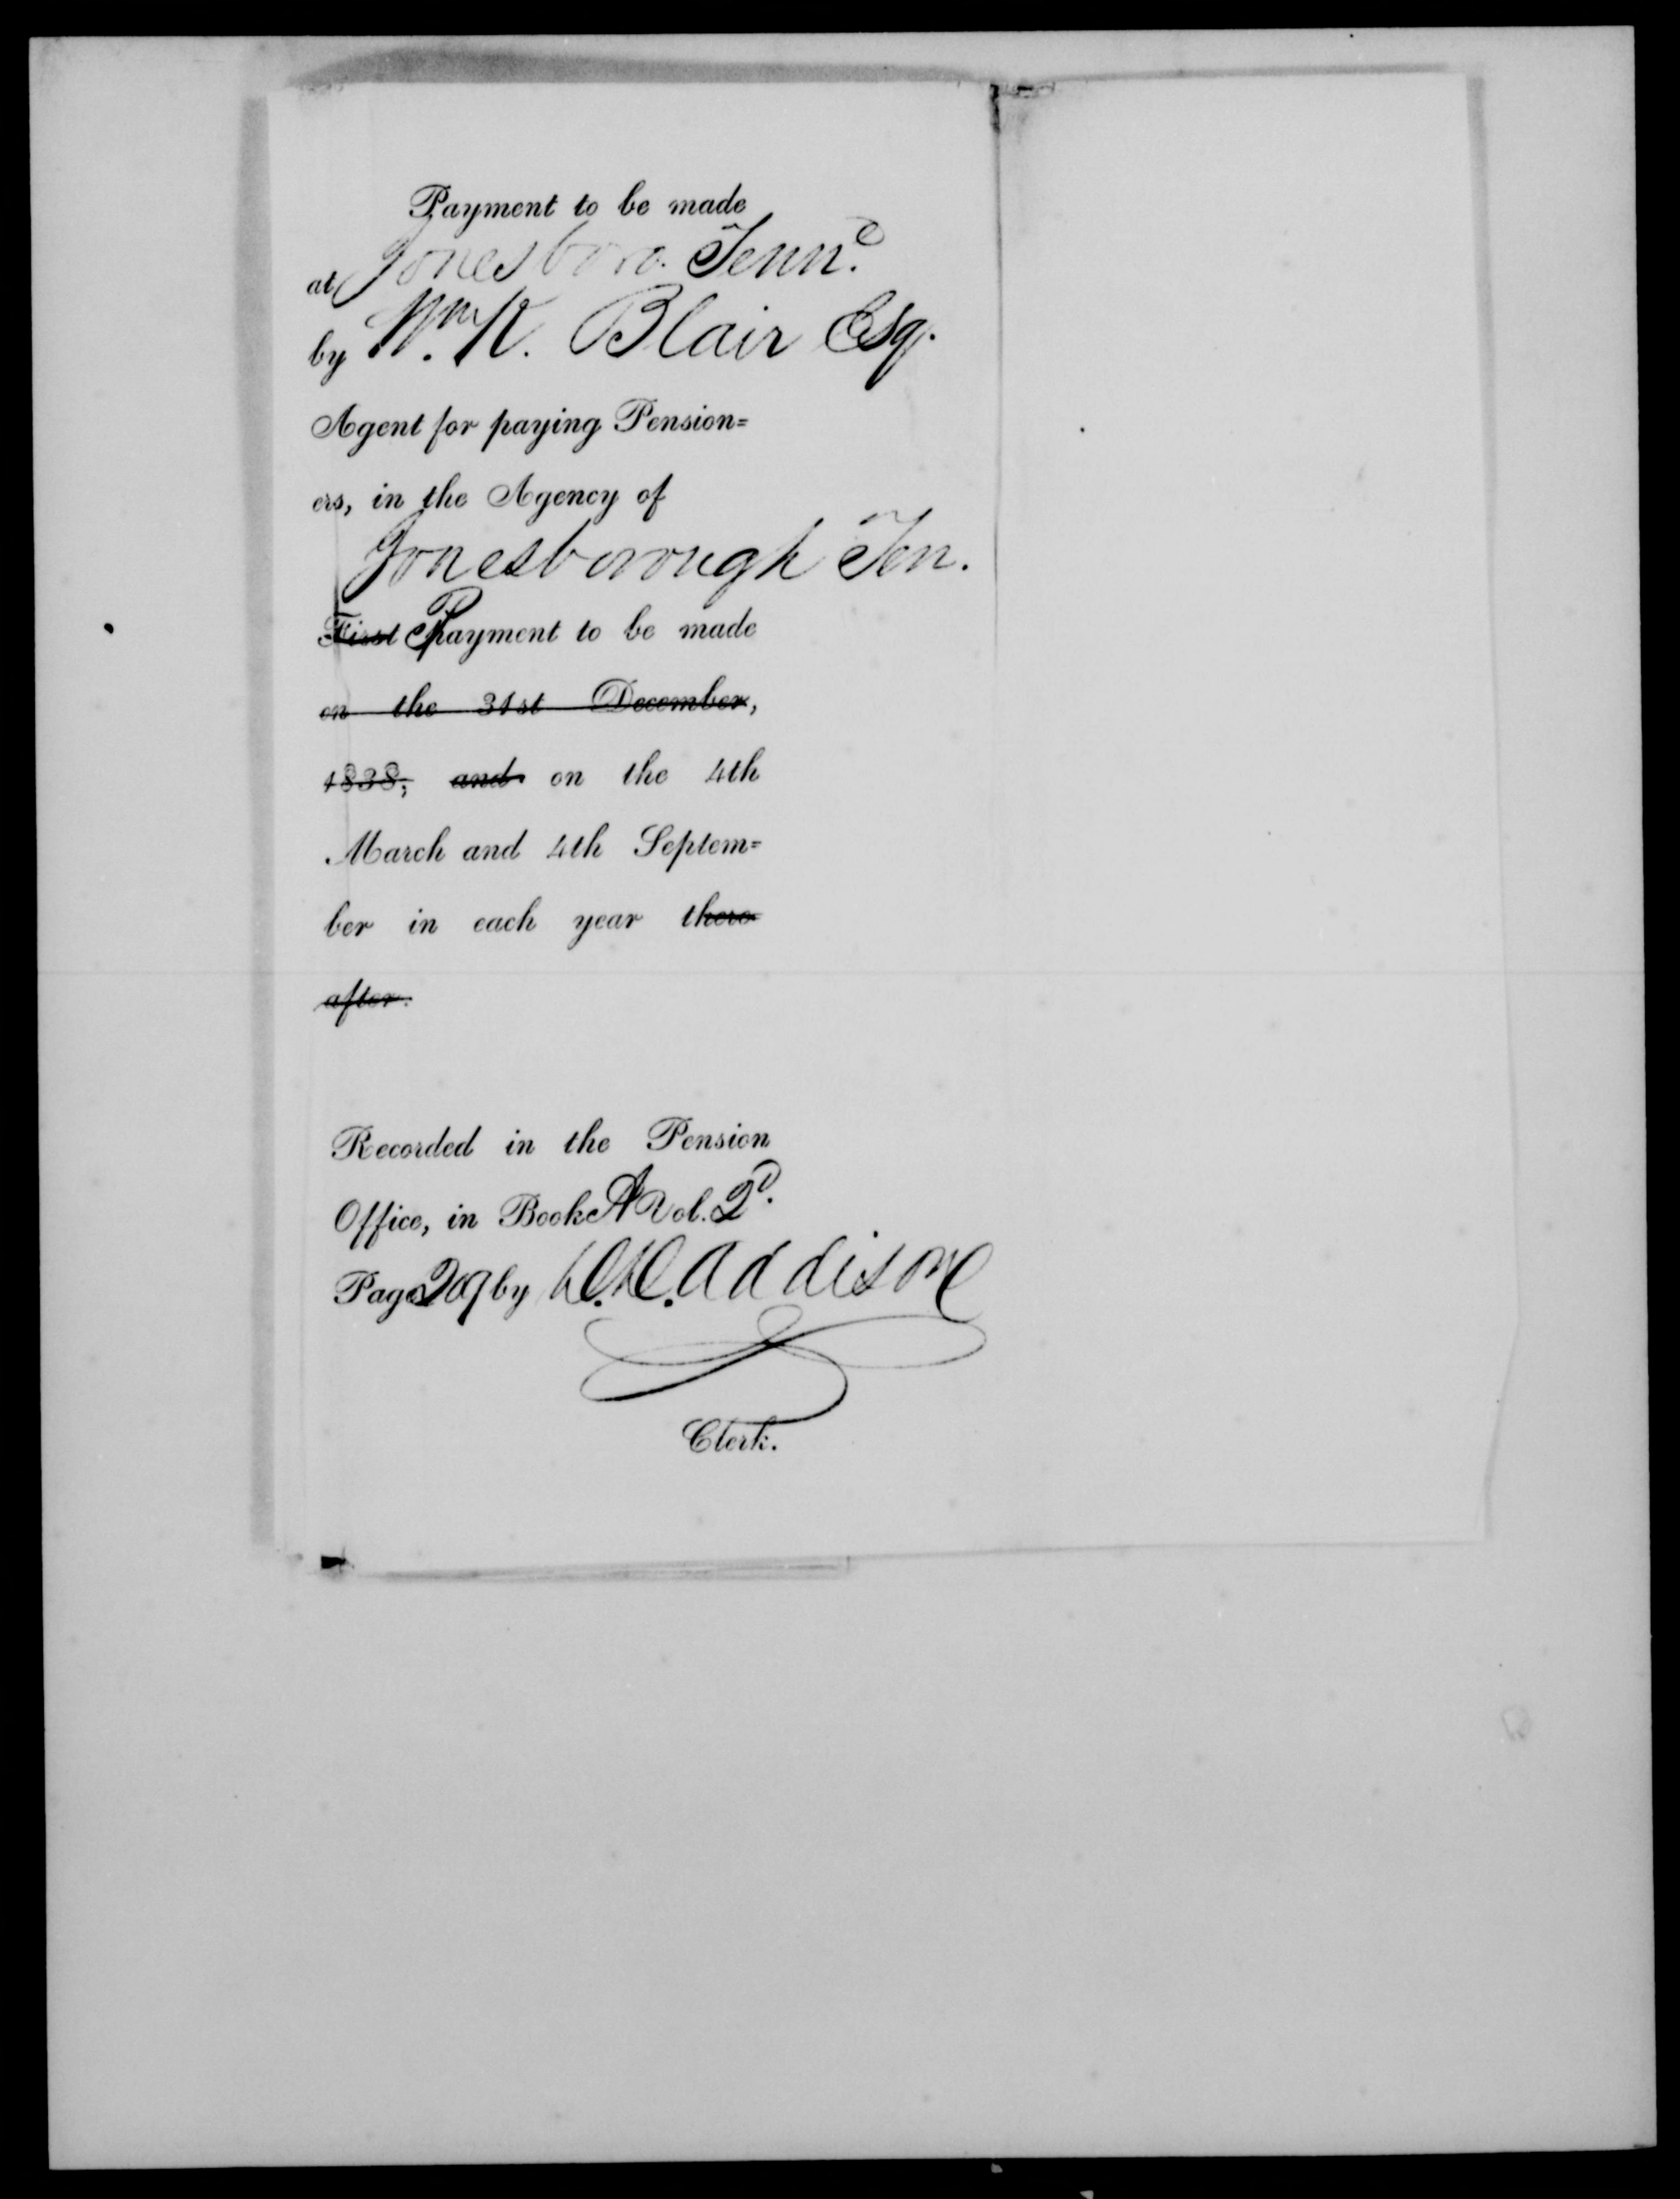Payment to be made
at Jonesboro Tenn
by Wm.  K. Blair Esq.

Agent for paying Pension-
ers, in the Agency of
Jonesborough Ten.

Payment 
on the 4th
March and 4th September
in each year

Recorded in the Pension
Office, in Book A Vol. 2
Page 209 by D. D. Addison
Clerk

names: D D Addison; Wm K Blair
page: 36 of 79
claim: widow's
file: W. 1504, for Robert Smith, North Carolina